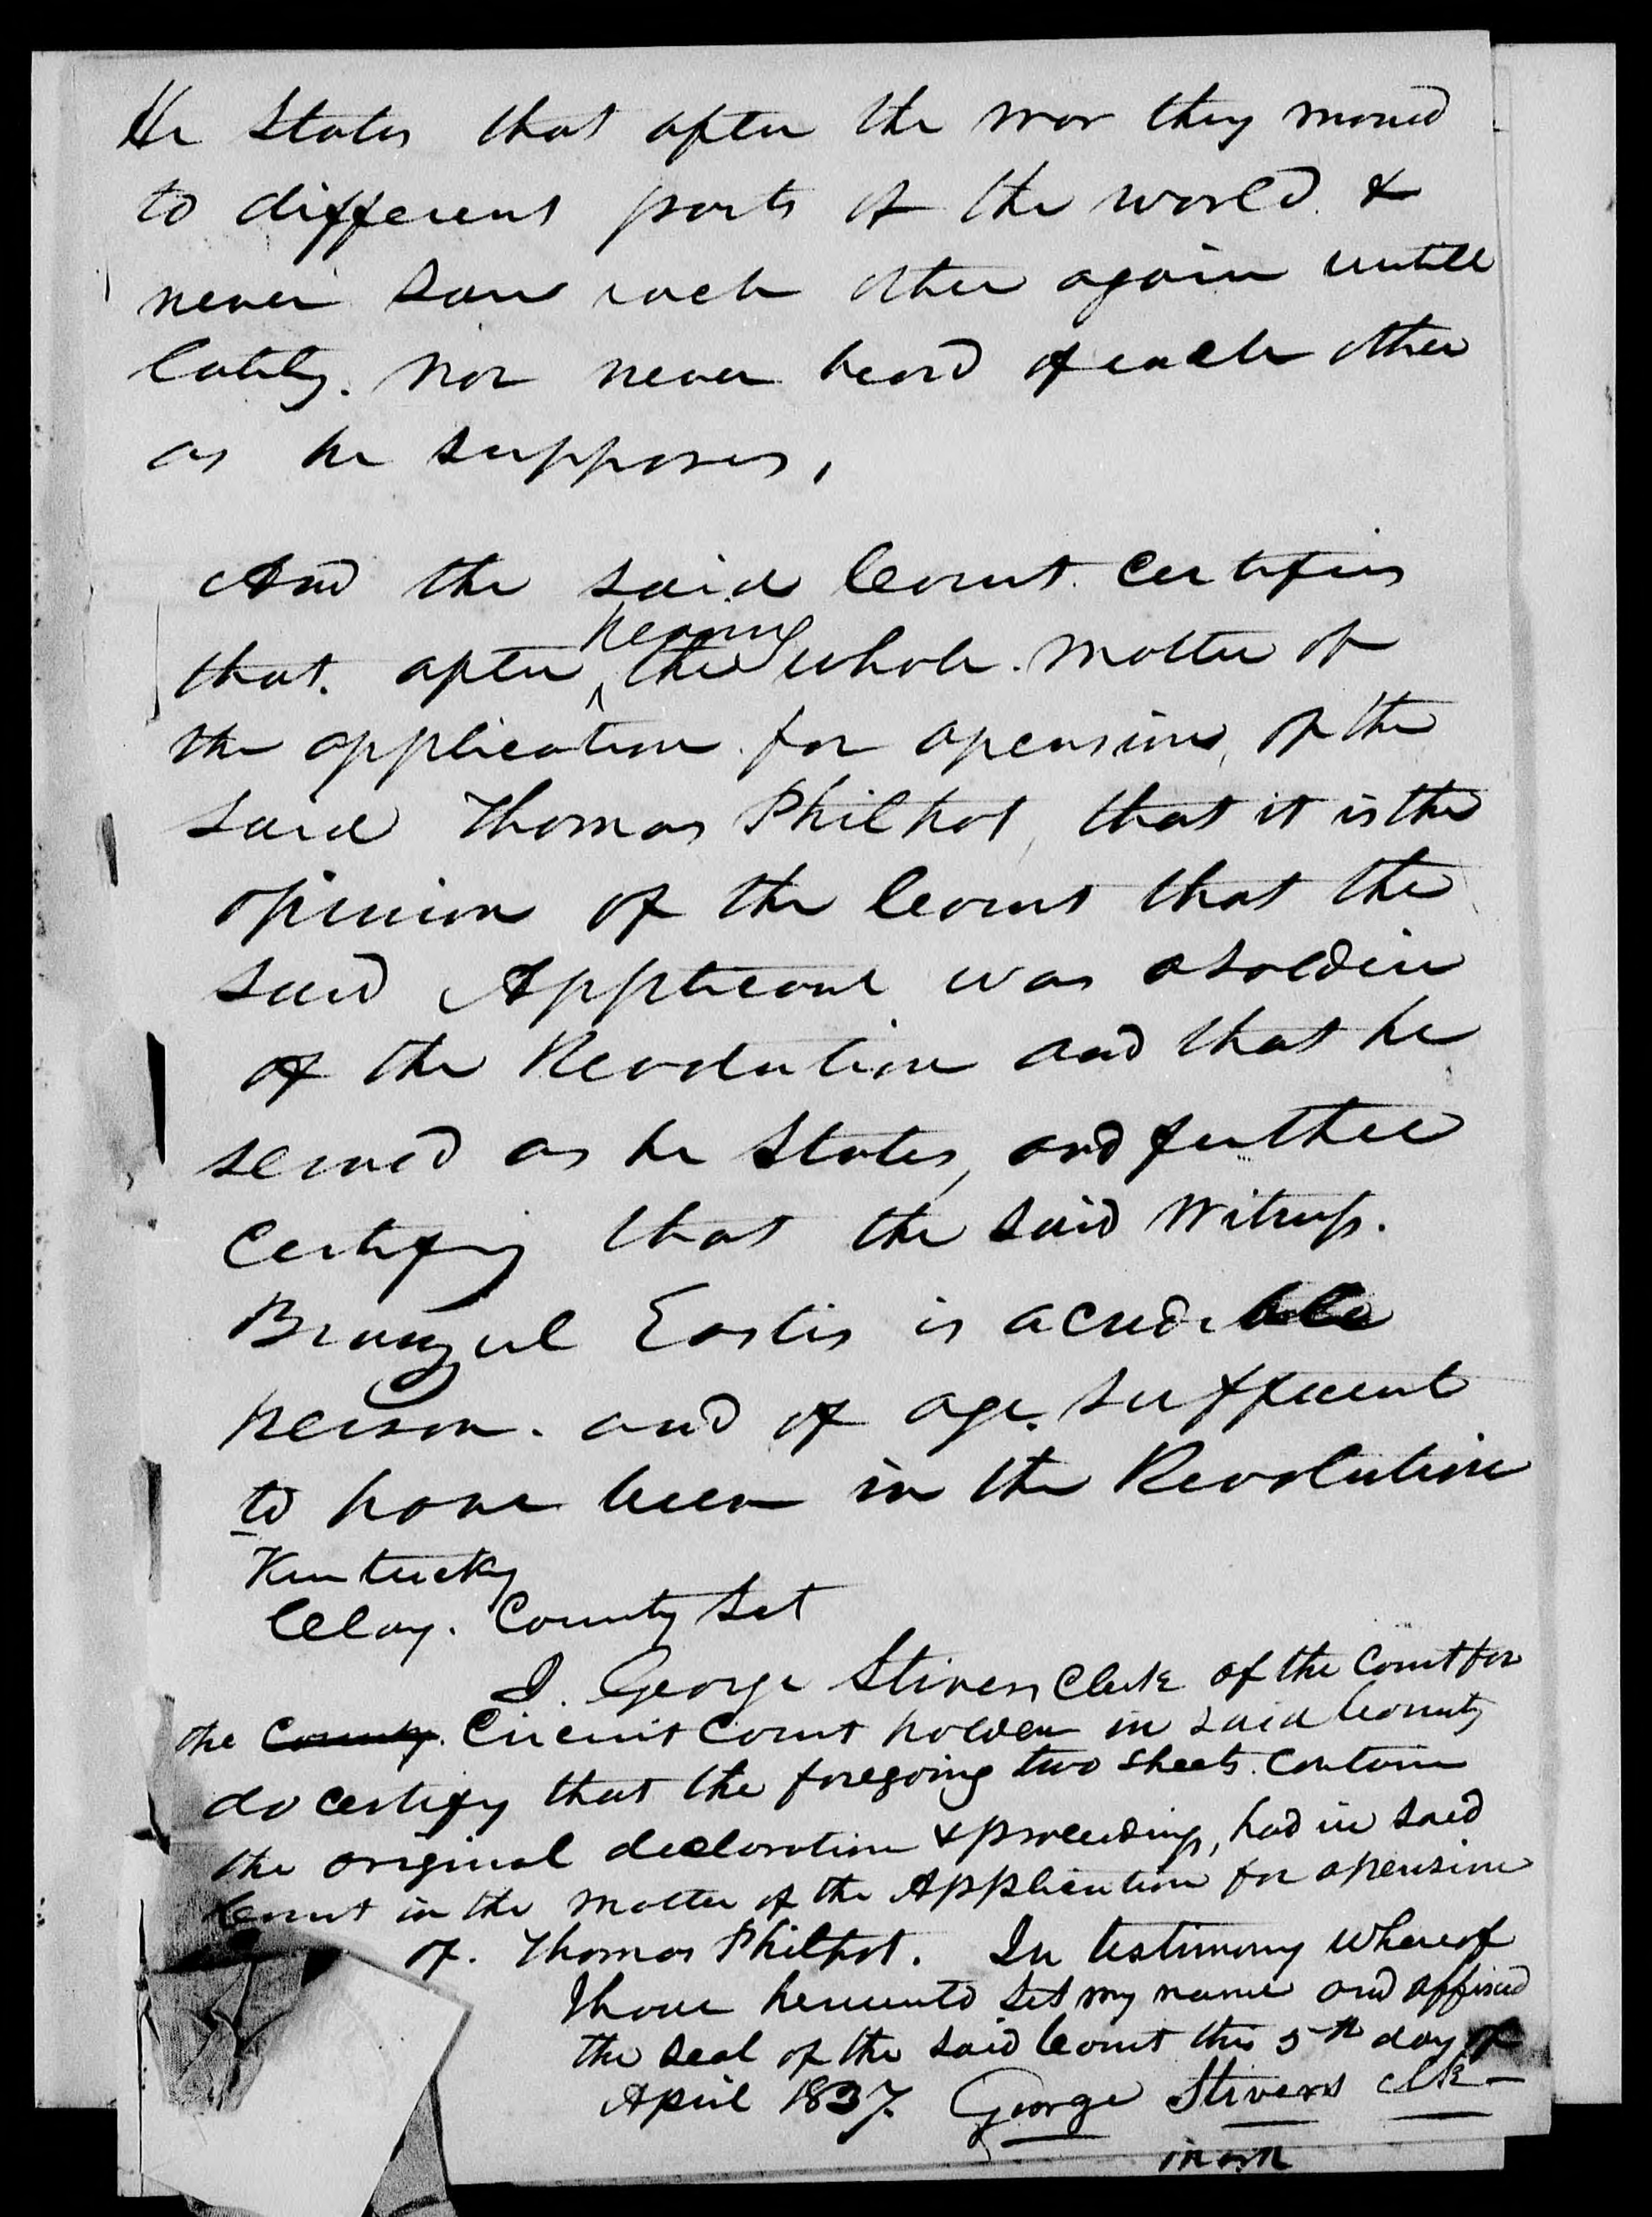He states that after the war they moved to different parts of the world
& never saw each other again untill
lately, nor never heard of each other
as he supposes.
And the said Court certifies that
after the whole matter of the application for pensions of the
said Thomas Philpot that it is the
opinion of the Court that the said Applicant was a soldier
of the Revolution and that he
served as he states, and further
certify that the said Witness
Braziel Eastis is a credible
person and of age sufficent
to have been in the Revolution

Kentucky Clay County 
I George Stivers Clerk of the Court for
the County Circuit Court holden in said County do certify that the foregoing two sheets contain
the original declaration & proceedings had in said Court in the matter of the Application for a pension of Thomas Philpot
In testimony whereof I have hereunto set my name and affixed the seal of the said Court this 5th day of
April 1837 George Stivers Clk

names: Thomas Philpot; George Stivers; Braziel Eostis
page: 10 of 43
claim: rejected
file: R. 8217, for Thomas Philpot, South Carolina